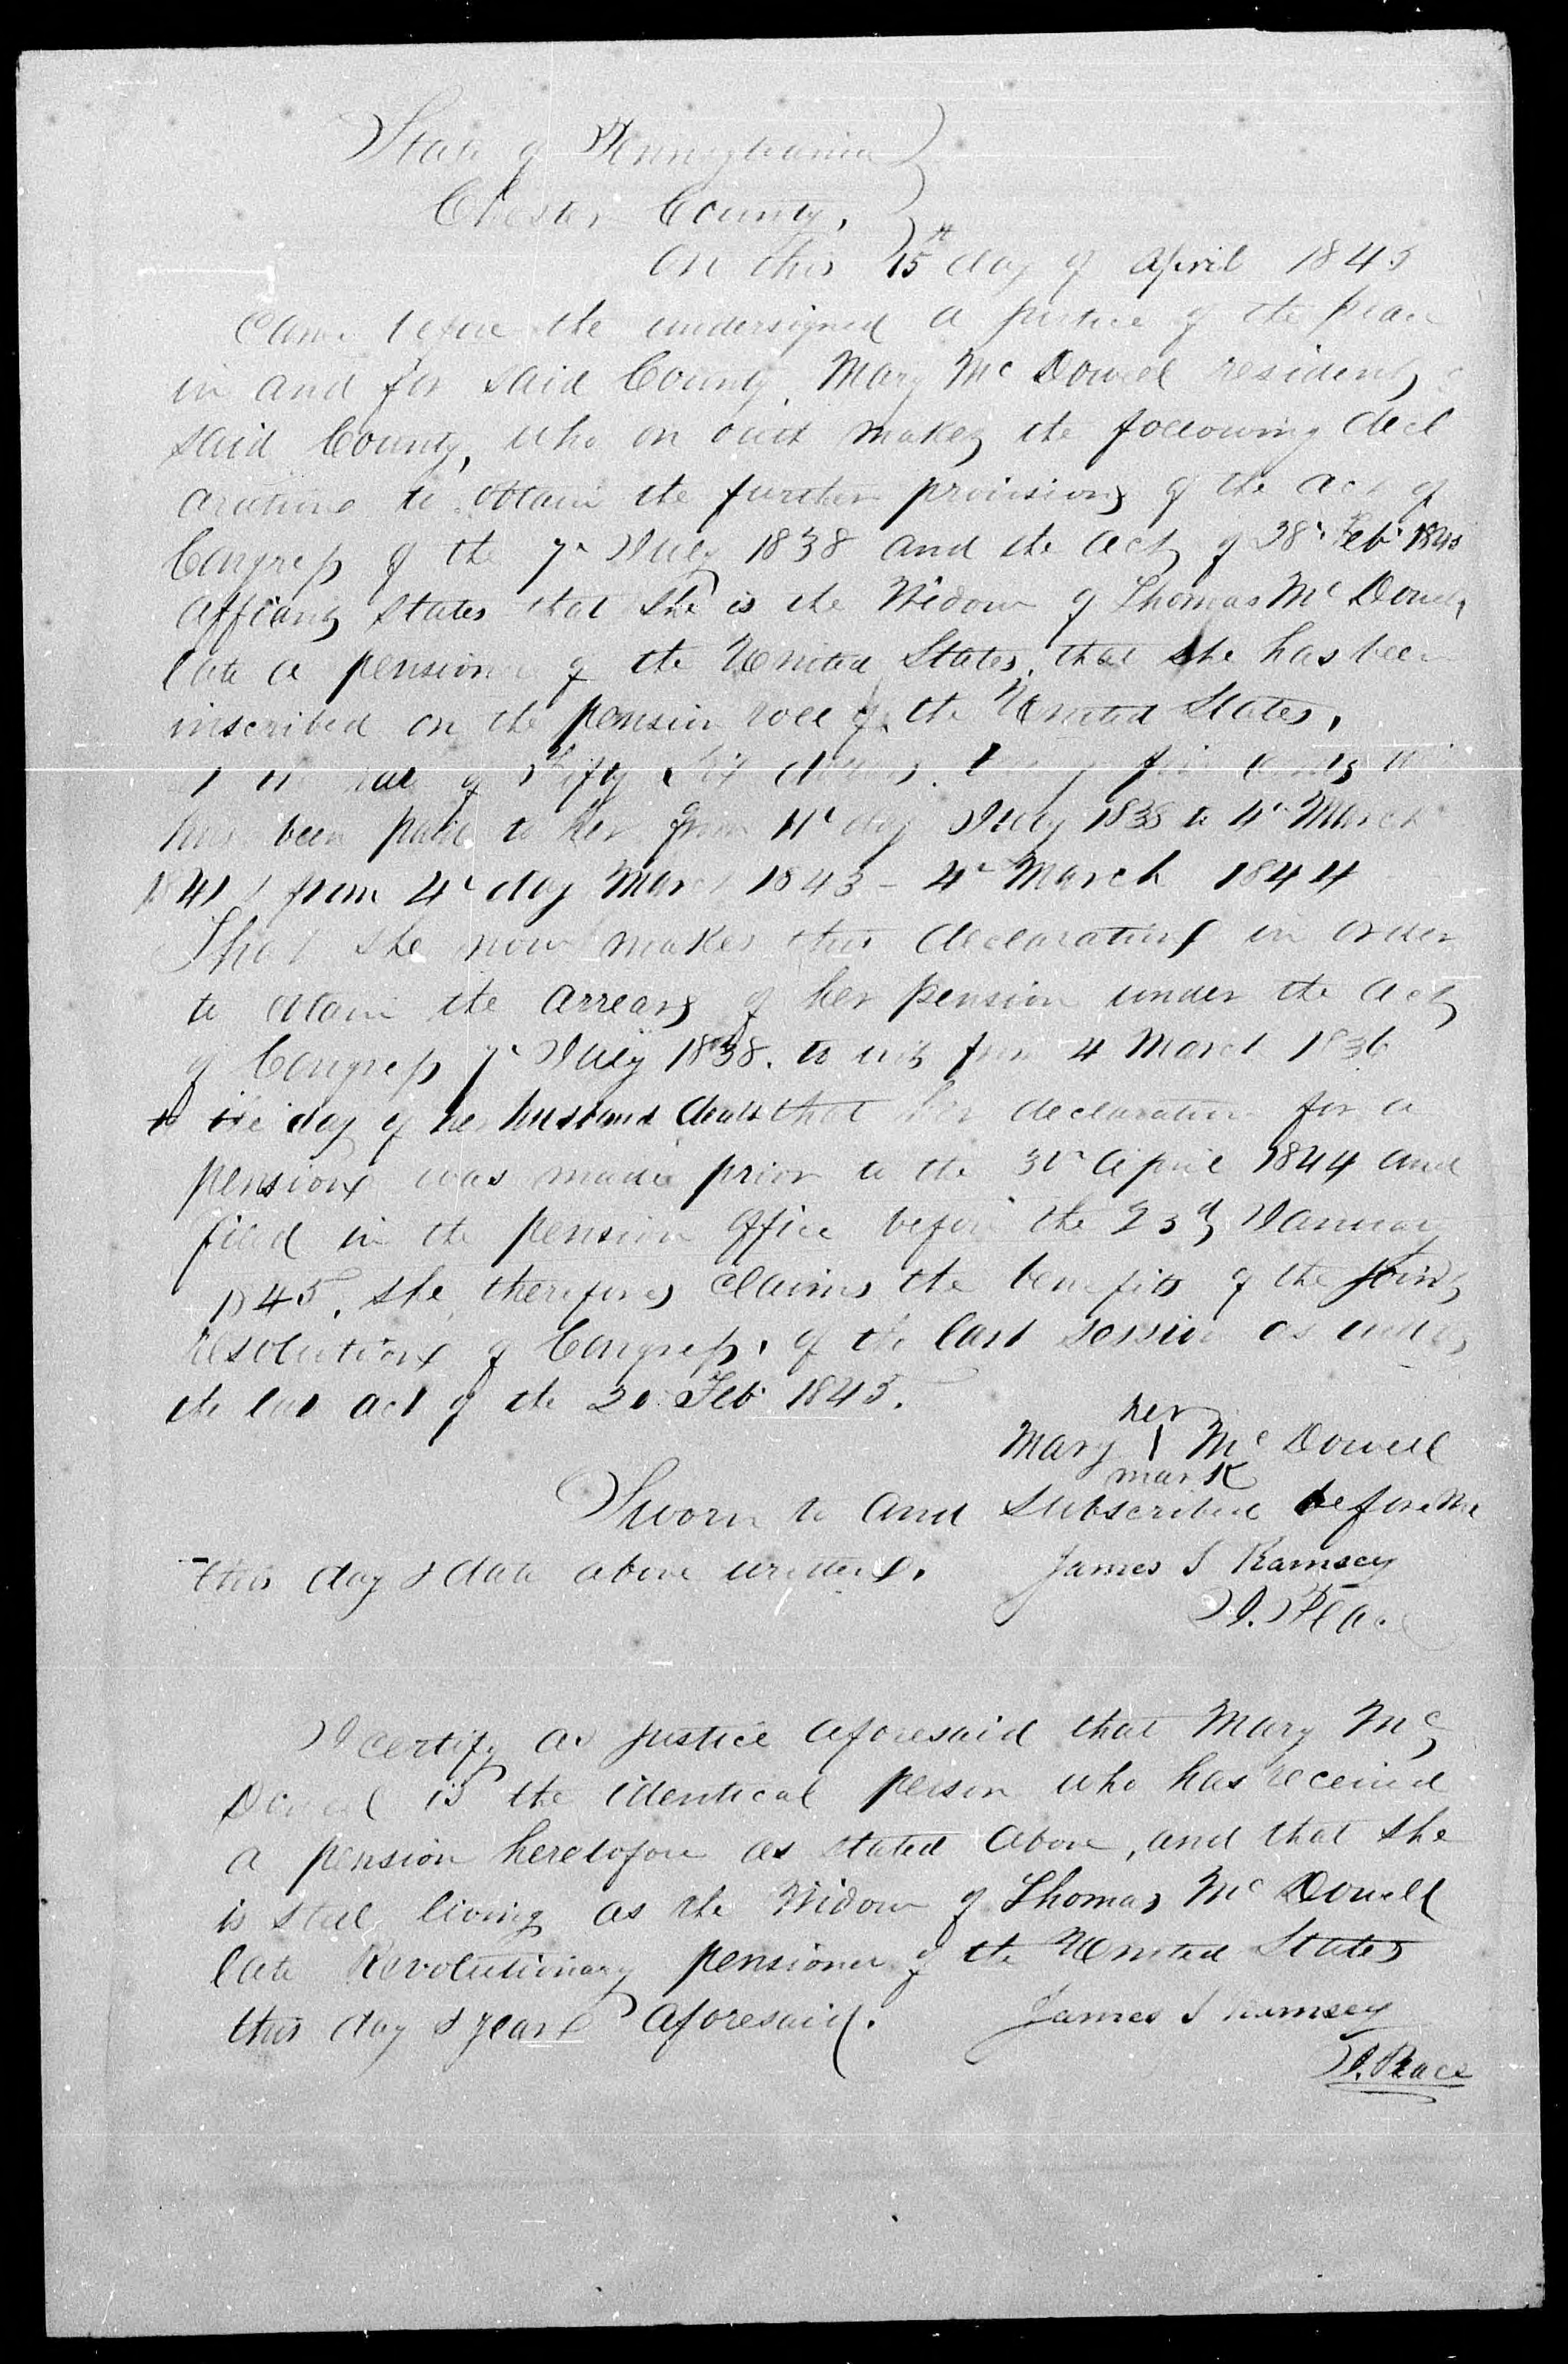State of Pennsylvania
Chester County,

On this 15th day of April 1845 claim before undersigned a justice of the peace in and for said County. Mary McDowell resident, said County, who on [illegible] makes the following declaration to obtain the further provision, of the Act of Congress of the [illegible] July 1838 and the Act of 28 Feb 1845 officially states that she is the Widow of Thomas McDowell, [illegible] a pensioner of the United States, that she has been inscribed on the pension roll of the United States, at the rate of Fifty Six dollars, sixty six cents & has been paid to her from 11th day July 1838 to 4th March 1841 & from 4th day march 1843 - 4th March 1844 that she now makes the declaration in order to obtain the arrears of her pension under the Act of Congress [illegible] July 1838. to [illegible] from 4 March 1836 to the day of her husband death that her declaration for a pension was made prior to the 3rd April 1833 and filed in the pension office before the 23 of January 1845. She therefore claims the benefits of the [illegible] resolutions of Congress, of the last session as [illegible] the [illegible] act of the 21 Feb 1845.

Mary McDowell her mark
Sworn to and subscribed before me this day & data above written.
James S Ramsey
[illegible]

I certify as justice aforesaid that Mary McDowell is the identical person who has received a pension heretofore as stated above, and that she is still living as the widow of Thomas McDowell late revolutionary pensioner of the United States this day & year aforesaid.
James S Ramsey
[illegible]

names: James S Ramsey; Mary Mc Dowell; Thomas Mc Dowell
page: 62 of 63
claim: widow's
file: W 2957, for Thomas Mc Dowell, Maryland